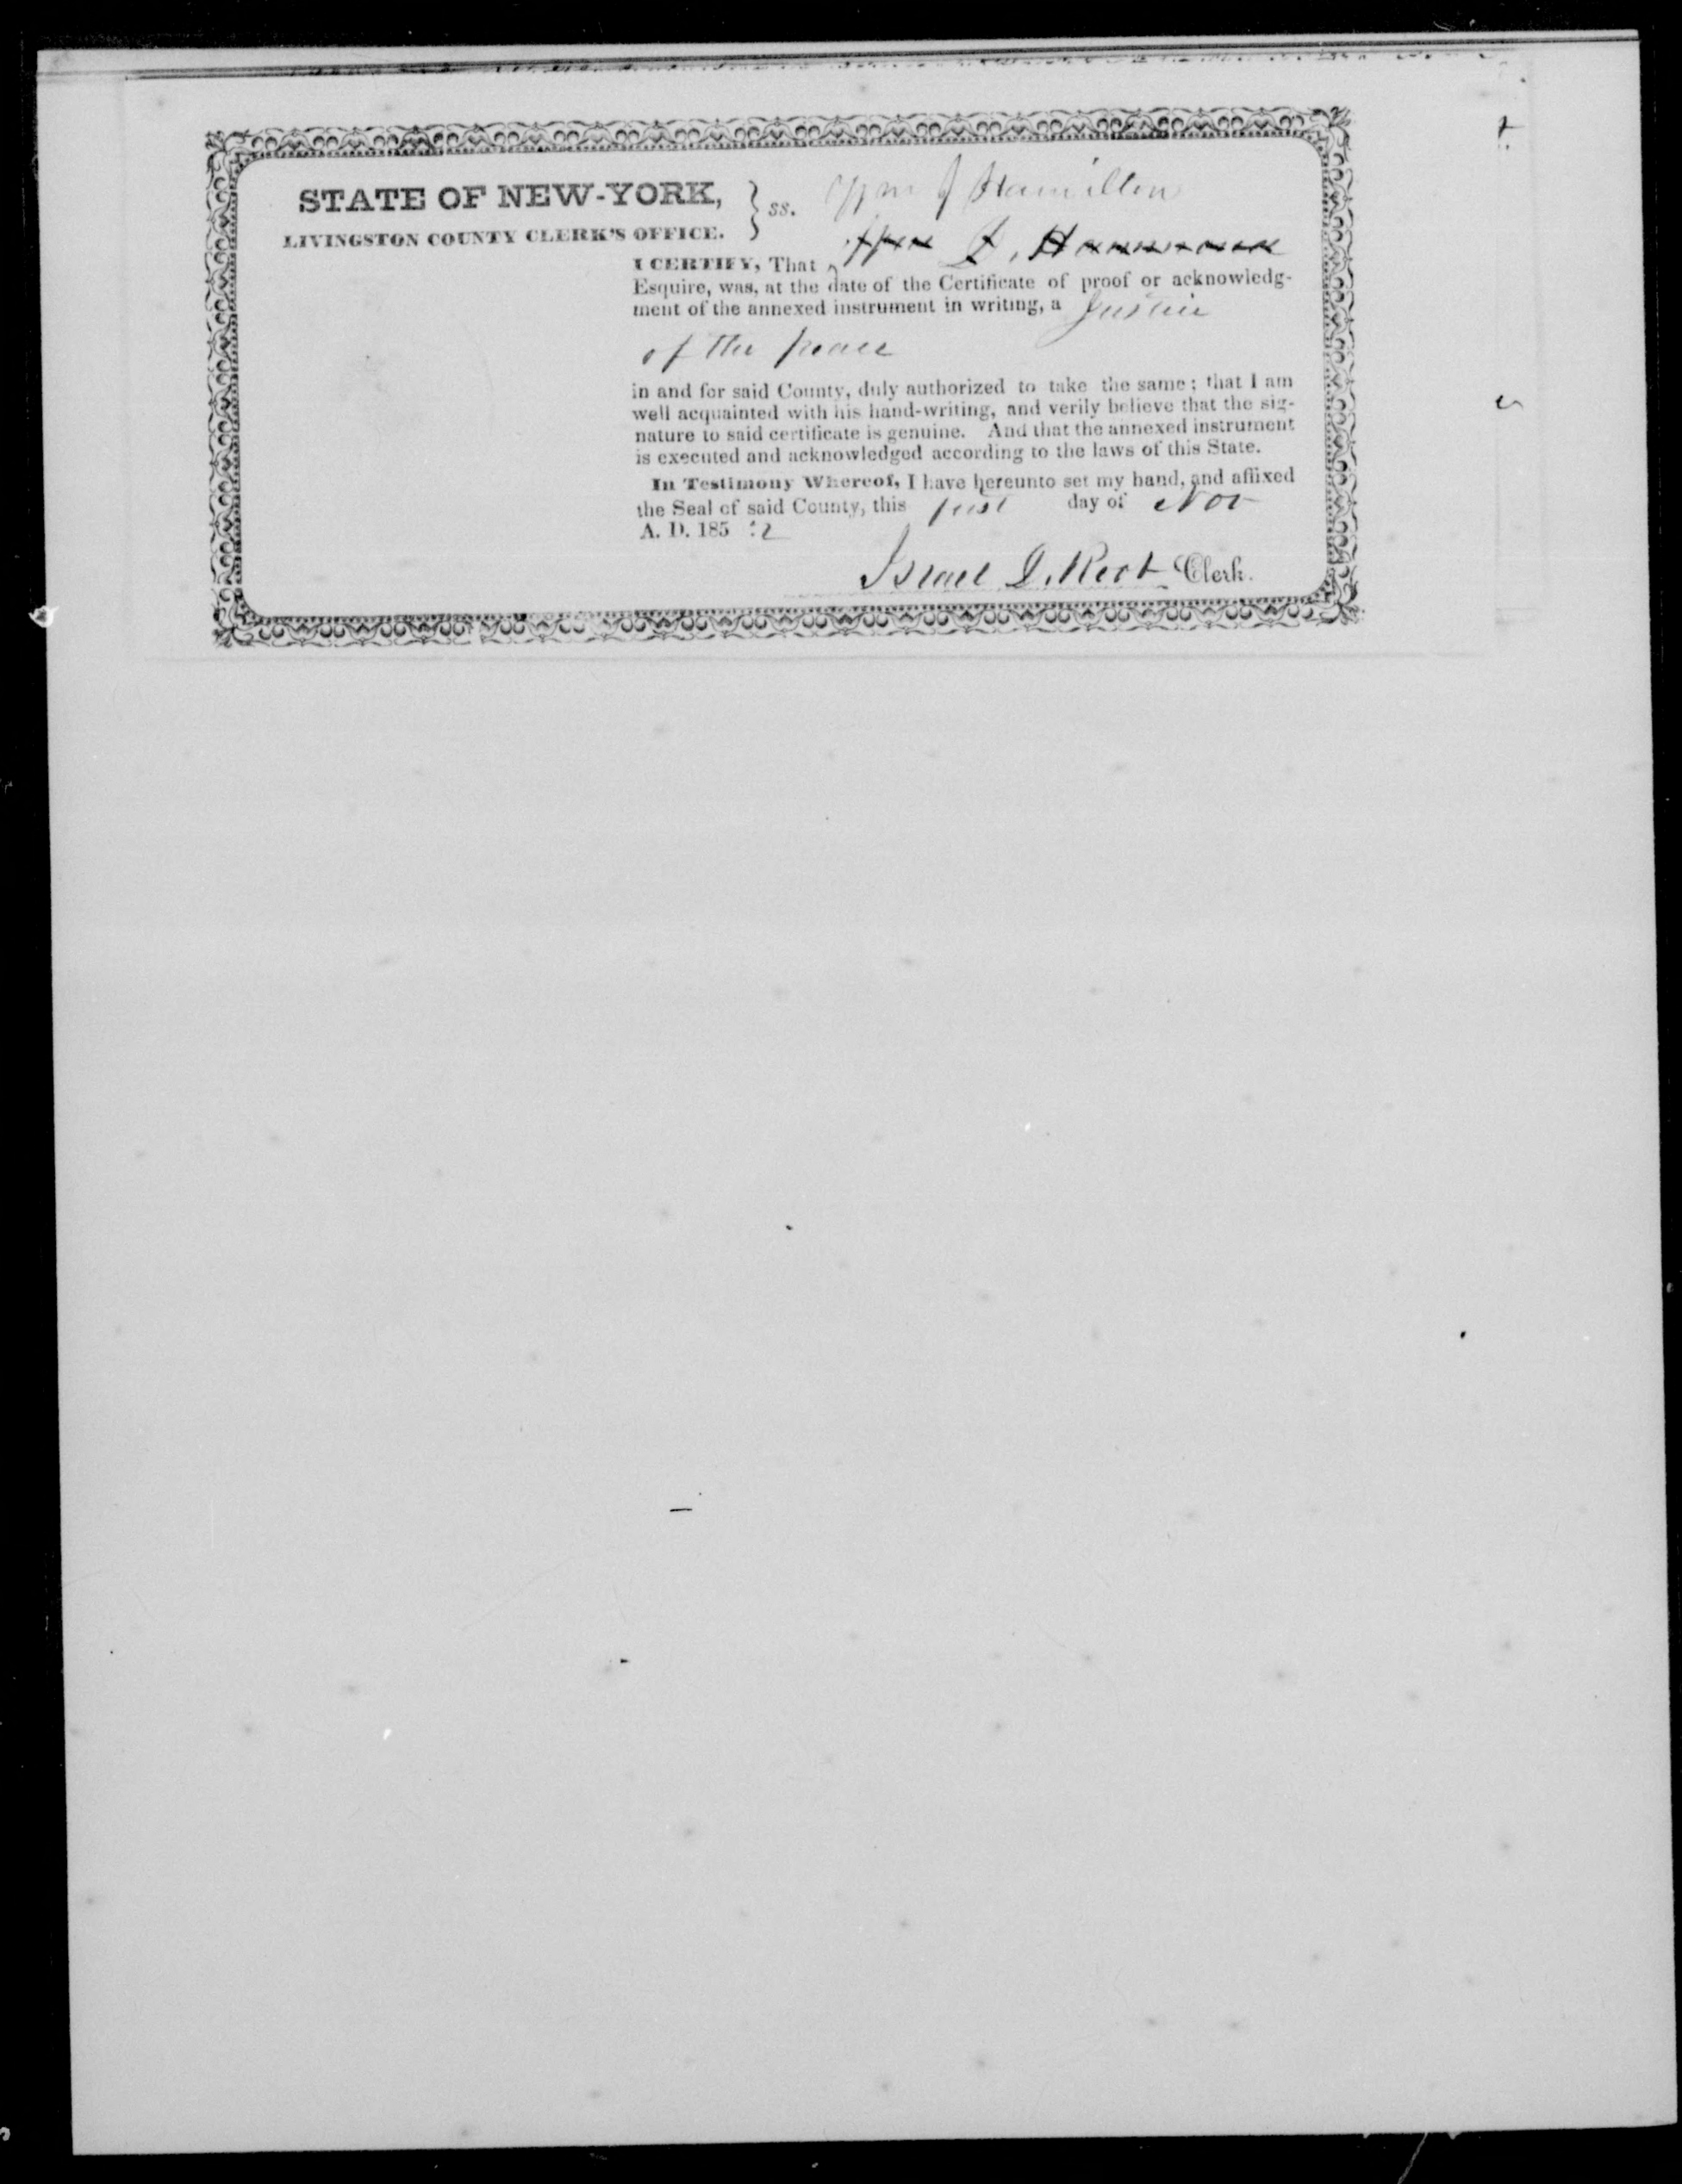STATE OF NEW-YORK,
LIVINGSTON COUNTY CLERK'S OFFICE. } ss. 

I CERTIFY, That [crossed out] Wm J Hamilton Esquire, was, at the date of the Certificate of proof or acknowledgment of the annexed instrument in writing, a Justice of the Peace in and for said County, duly authorized to take the same; that I am well acquainted with his hand-writing, and verily believe that the signature to said certificate is genuine. And that the annexed instrument is executed and acknowledged according to the laws of this State.
In Testimony Whereof, I have hereunto set my hand, and affixed the Seal of said County, this first day of Nov A. D. 1852
Israel J. Root Clerk.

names: Wm J Hamilton; Israel J Root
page: 31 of 33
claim: rejected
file: R. 5603, for Nathan Spicer, New York